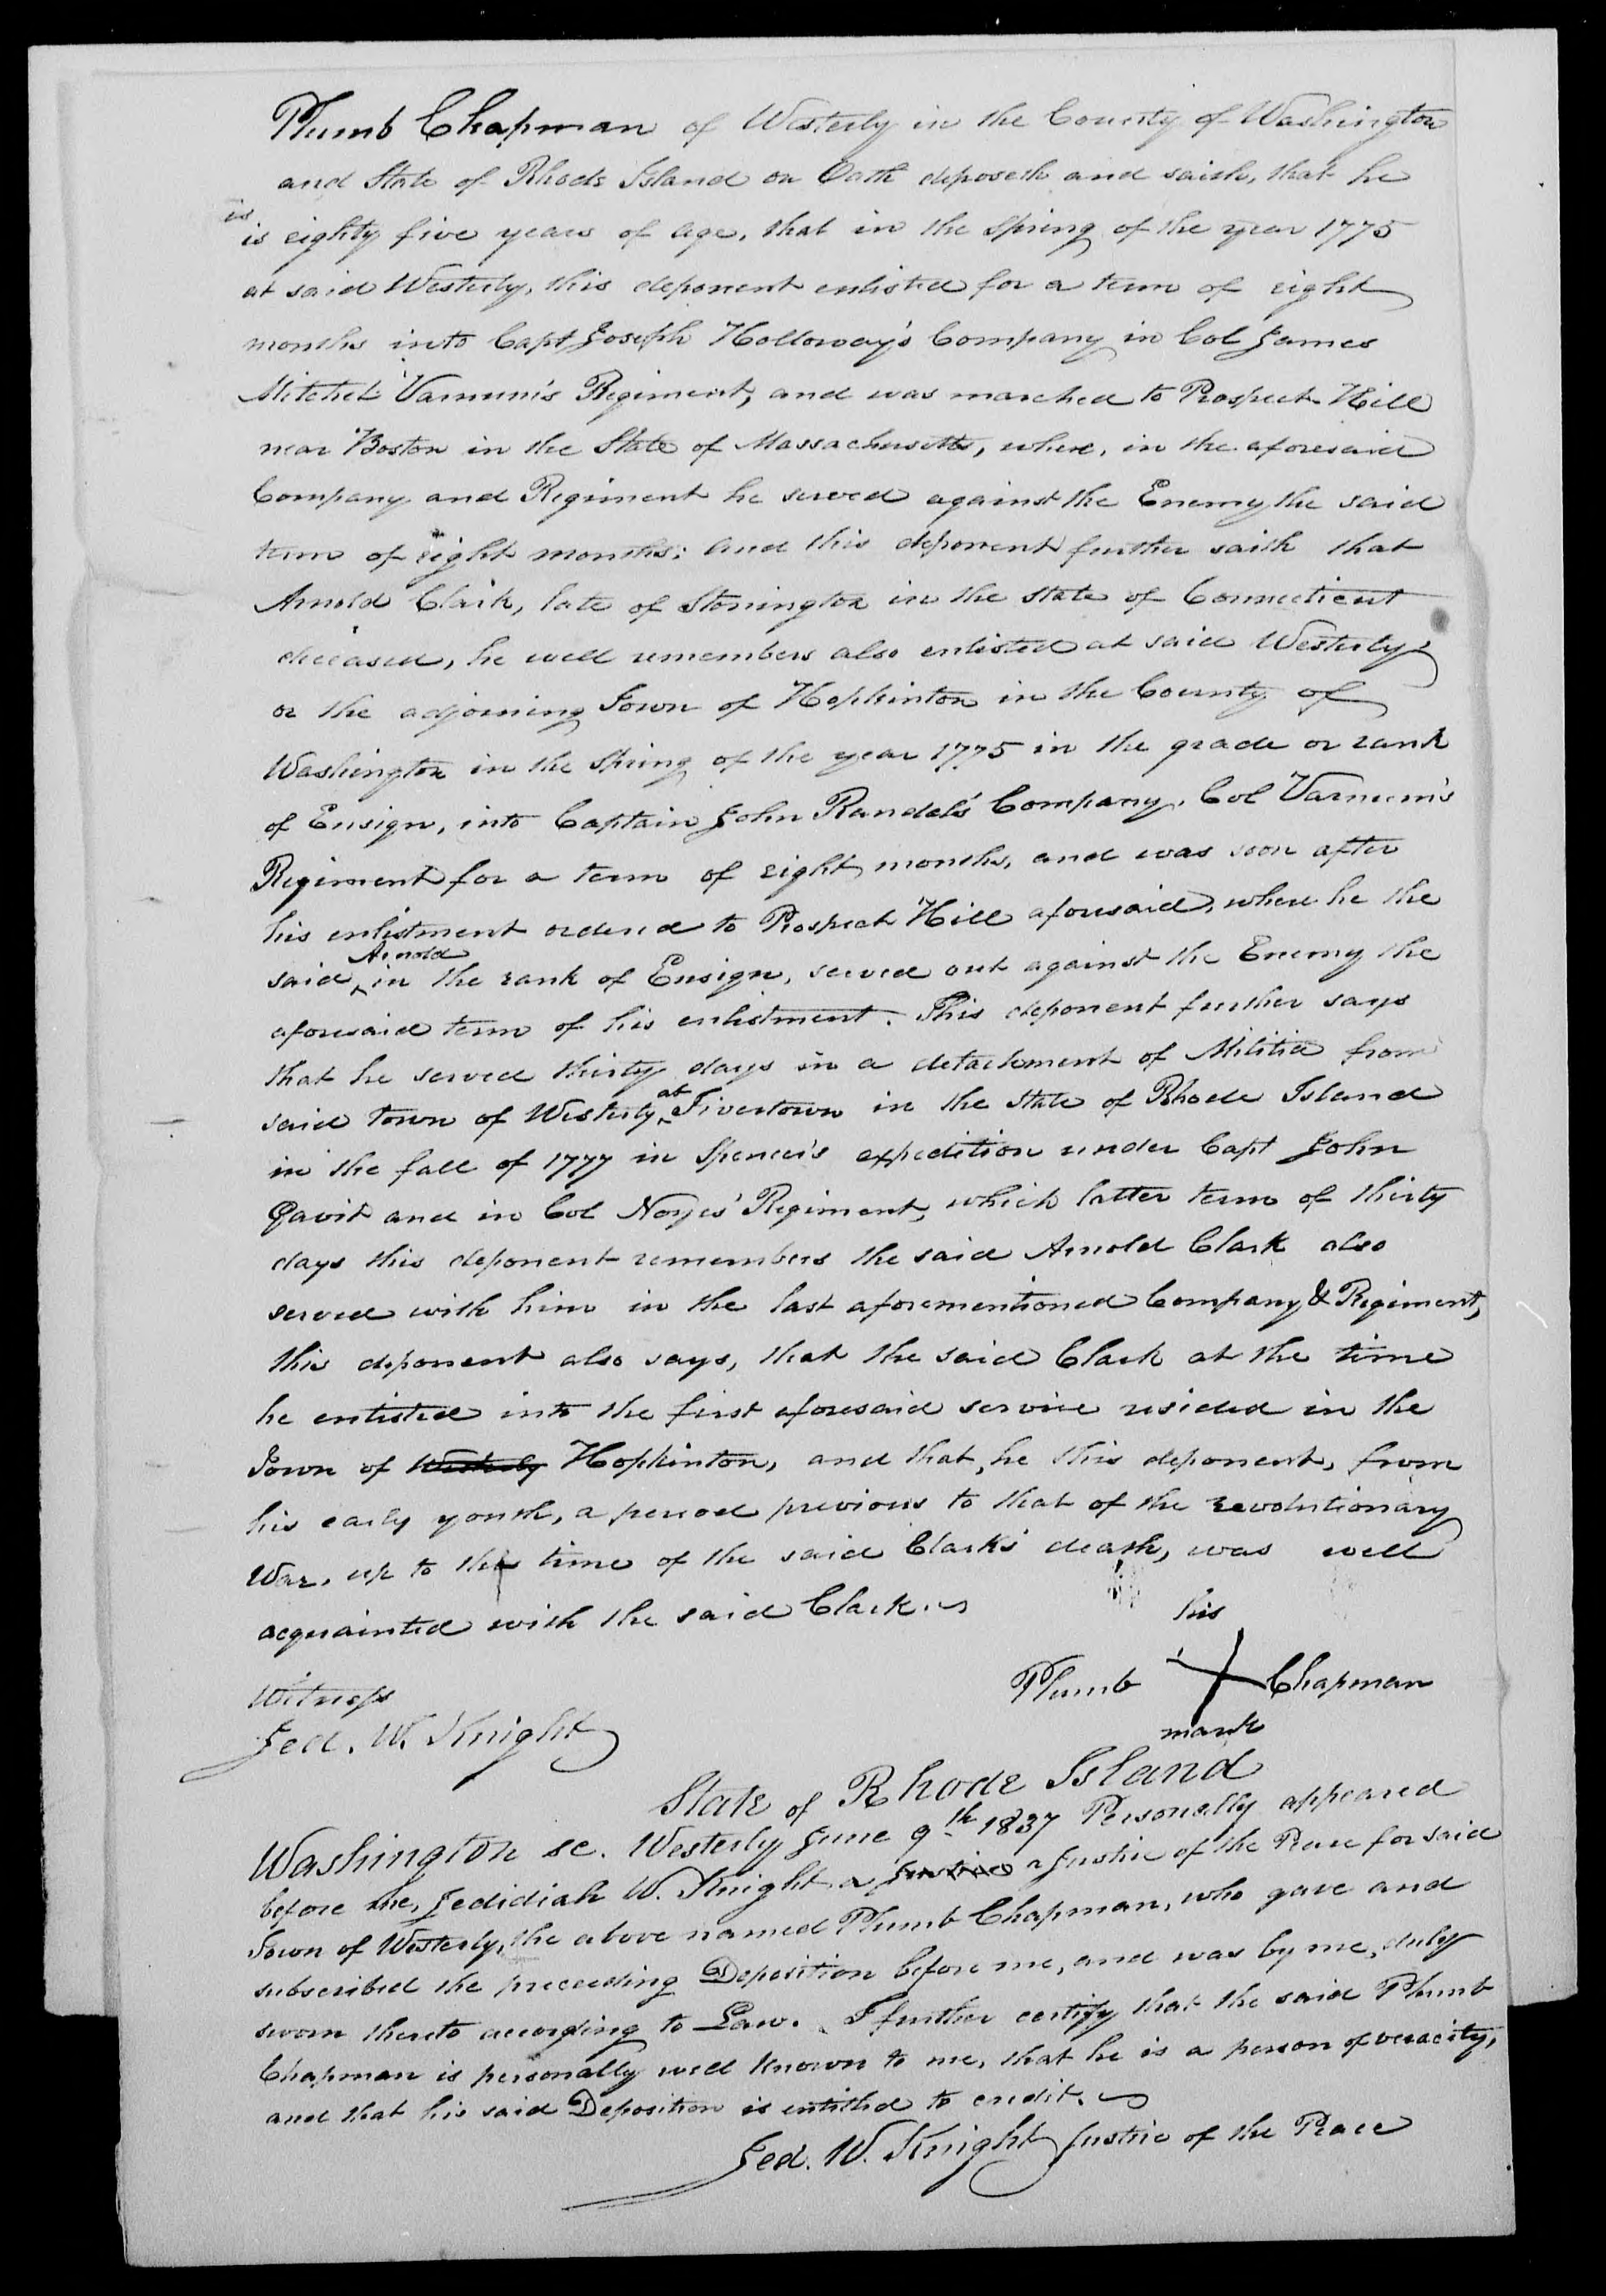Plumb Chapman of Westerly in the county of Washington and state of Rhode Island on oath deposeth and saith, that he is eighty five years of age, that in the spring of the year 1775 at said Westerly, this deponent enlisted for a term of eight months into Capt Joseph Holloway's Company in Col James Mitchel Varnum's Regiment, and was marched to Prospect Hill near Boston in the state of Massachusetts, where, in the aforesaid Company and Regiment he served against the enemy the said term of eight months; and this deponent further saith that Arnold Clark, late of Stonington in the state of Connecticut deceased, he well remembers also enlisted at said Westerly or the adjoining town of Hopkinton in the county of Washington in the spring of the year 1775 in the grade or rank of ensign, into Captain John Randal's Company, Col Varnum's Regiment for a term of eight months, and was soon after his enlistment ordered to Prospect Hill aforesaid, where  he the said Arnold in the rank of ensign, served out against the enemy the aforesaid term of his enlistment. This deponent further says that he served thirty days in a detachment of Militia from said town of Westerly at Tivertown in the state of Rhode Island in the fall of 1777 in Spencer's expedition under Capt John Gavit and in Col Noyes' Regiment, which latter term of thirty days this deponent remembers the said Arnold Clark also served with him in the last aforementioned Company & Regiment, this deponent also says, that the said Clark at the time he enlisted into the first aforesaid service resided in the town of Hopkinton, and that, he this deponent, from his early youth, a period previous to that of the revolutionary war, up to the time of the said Clark's death, was well acquainted with the said Clark.
Plumb Chapman - X his mark
Witness Jed. W. Knight

State of Rhode Island Washington sc. Westerly
June 9th 1837 Personally appeared before me, Jedidiah W. Knight, a Justice of the Peace for said town of Westerly, the above named Plumb Chapman, who gave and subscribed the preceeding Deposition before me, and was by me, duly sworn thereto according to law. I further certify that the said Plumb Chapman is personally well known to me, that he is a person of veracity, and that his said Deposition is entitled to credit.
Jed. W. Knight, Justice of the Peace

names: Arnold Clark, Plumb Chapman, Jedediah W Knight, Clark, Plumb Chapman, Clark, John Gavit, Jed W Knight, Clark, Jed W Knight, Arnold Clark, Plumb Chapman, Plumb Chapman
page: 38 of 48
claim: widow's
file: W. 17,628, Arnold Clarke, R.I.